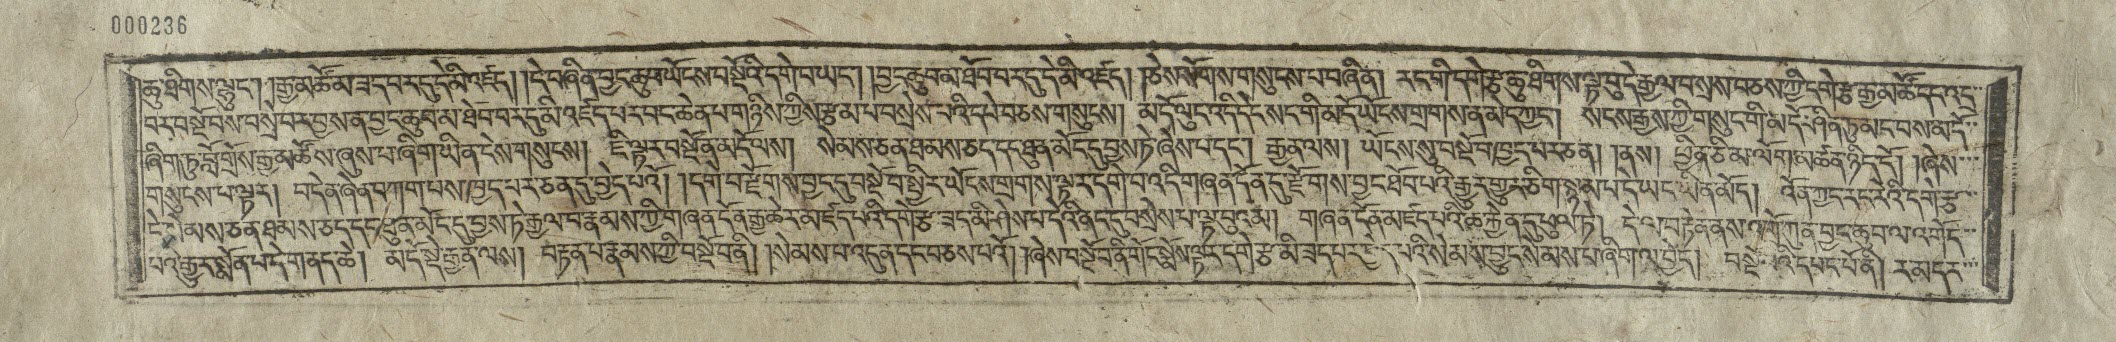ཆུ་ཐིགས་ལྷུང་། །རྒྱ་མཚོ་མ་ཟད་བར་དུ་དེ་མི་འཛད། །དེ་བཞིན་བྱང་ཆུབ་ཡོངས་བསྔོའི་དགེ་བ་ཡང་། །བྱང་ཆུབ་མ་ཐོབ་བར་དུ་དེ་མི་འཛད། །ཅེས་སོགས་གསུངས་པ་བཞིན། རང་གི་དགེ་རྩ་ཆུ་ཐིགས་ལྟ་བུ་དེ་རྒྱལ་བ་སྲས་བཅས་ཀྱི་དགེ་རྩ་རྒྱ་མཚོ་དང་འདྲ་
བར་བསྔོ་བས་བསྲེ་བར་བྱས་ན་བྱང་ཆུབ་མ་ཐོབ་བར་དུ་མི་འཛད་པར་བང་ཆེན་པ་གཉིས་ཀྱིས་རྩམ་པ་བསྲེས་པའི་དཔེ་བཅས་གསུངས། མདོ་ལུང་འདི་དེང་སང་གི་མདོ་ཡོངས་གྲགས་ན་མེད་ཀྱང་། སངས་རྒྱས་ཀྱི་གསུང་གི་མདོ་ཤིན་ཏུ་མང་བས་མདོ་
ཞིག་ཏུ་བློ་གྲོས་རྒྱ་མཚོས་ཞུས་པ་ཞིག་ཡིན་ངེས་གསུངས། ཇི་ལྟར་བསྔོ་ན་མདོ་ལས། སེམས་ཅན་ཐམས་ཅད་དང་ཐུན་མོང་དུ་བྱས་ཏེ་ཞེས་པ་དང་། རྒྱན་ལས། ཡོངས་སུ་བསྔོ་བ་ཁྱད་པར་ཅན། །ནས། ཕྱིན་ཅི་མ་ལོག་མཚན་ཉིད་དོ། །ཞེས་
གསུངས་པ་ལྟར། བདེན་ཞེན་བཀག་པས་ཁྱད་པར་ཅན་དུ་བྱེད་པའོ། །དགེ་བ་རྫོགས་བྱང་དུ་བསྔོ་བ་སྤྱིར་ཡོངས་གྲགས་ལྟར་དགེ་བ་འདི་གཞན་དོན་དུ་རྫོགས་བྱང་ཐོབ་པའི་རྒྱུར་གྱུར་ཅིག་སྙམ་པ་དེ་ཡང་ཡིན་མོད། འོན་ཀྱང་རང་རེའི་དགེ་རྩ་
དེ་སེམས་ཅན་ཐམས་ཅད་དང་ཐུན་མོང་དུ་བྱས་ཏེ་རྒྱལ་བ་རྣམས་ཀྱི་གཞན་དོན་རྒྱ་ཆེར་མཛད་པའི་དགེ་རྩ་ཟད་མི་ཤེས་པ་དེའི་ནང་དུ་བསྲེས་པ་ལྟ་བུའམ། གཞན་དོན་མཛད་པའི་ཆ་རྐྱེན་དུ་ཕུལ་ཏེ། དེ་ལ་བརྟེན་ནས་འགྲོ་ཀུན་བྱང་ཆུབ་ལ་འགོད་
པའི་རྒྱུར་སྨོན་པ་དེ་གནད་ཆེ། མདོ་སྡེ་རྒྱན་ལས། བརྟན་པ་རྣམས་ཀྱི་བསྔོ་བ་ནི། །སེམས་པ་འདུན་དང་བཅས་པའོ། །ཞེས་བསྔོ་བ་ནི་གོང་སྨོས་ལྟར་དགེ་རྩ་མི་ཟད་པར་བྱེད་པའི་སེམས་བྱུང་སེམས་པ་ཞིག་ལ་བྱེད། བསྔོ་བའི་དཔང་པོ་ནི། ར་མདར་